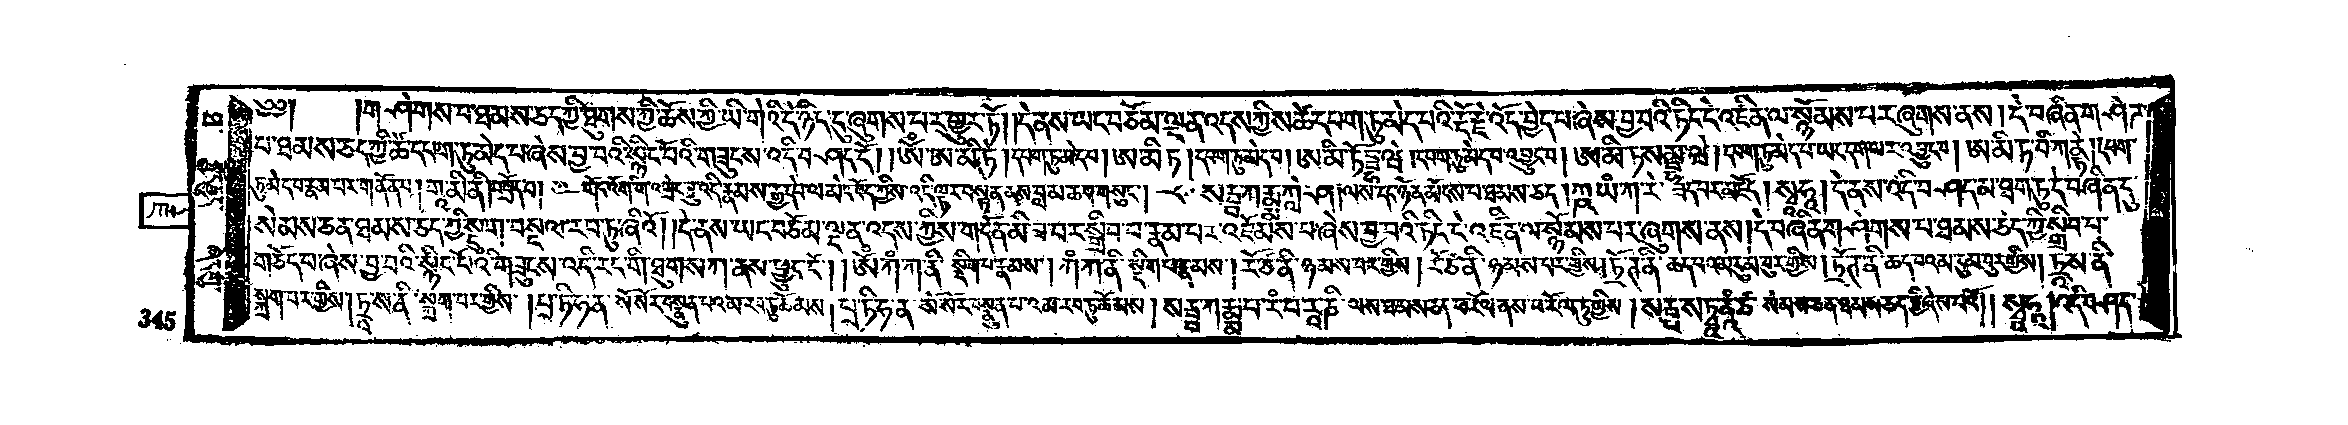༄༅། །གཤེགས་པ་ཐམས་ཅད་ཀྱི་ཐུགས་ཀྱི་ཆོས་ཀྱི་ཡི་གེའི་དེ་ཉིད་དུ་ཞུགས་པར་གྱུར་ཏོ། །དེ་ནས་ཡང་བཅོམ་ལྡན་འདས་ཀྱིས་ཚེ་དཔག་ཏུ་མེད་པའི་རྡོ་རྗེ་འོད་བྱེད་པ་ཞེས་བྱ་བའི་ཏིང་ངེ་འཛིན་ལ་སྙོམས་པར་ཞུགས་ནས། དེ་བཞིན་གཤེགས་
པ་ཐམས་ཅད་ཀྱི་ཚེ་དཔག་ཏུ་མེད་པ་ཞེས་བྱ་བའི་སྙིང་པོའི་གཟུངས་འདི་བཤད་དོ། །ཨོཾ་ཨ་མི་ཏེ། དཔག་ཏུ་མེད་པ། ཨ་མི་ཏ། དཔག་ཏུ་མེད་པ། ཨ་མི་ཏོདབྷ་ཝེ། དཔག་ཏུ་མེད་པ་འབྱུང་བ། ཨ་མི་ཏ་སམྦྷ་ཝེ། དཔག་ཏུ་མེད་པ་ཡང་དག་པར་འབྱུང་བ། ཨ་མི་ཏ་བི་ཀནྟེ། དཔག་
ཏུ་མེད་པ་རྣམ་པར་གནོན་པ། གཱ་མི་ནི། བགྲོད་པ། H.འགོང་འོག་གི་འགྲེང་བྲུ་འདི་རྣམས་རྒྱ་དཔེ་ལ་མེད་བོད་ཀྱིས་འདི་ལྟར་བསྟན་ནས་བླ་མ་ཆག་གསུང་།.Hསརྦྦ་ཀརྨྨ་ཀླེ་ཤ། ལས་དང་ཉོན་མོངས་པ་ཐམས་ཅད། ཀྵ་ཡཾ་ཀ་རེ་ཟད་པར་མཛོད། སྭཱཧཱ། དེ་ནས་འདི་བཤད་མ་ཐག་ཏུ་དེ་བཞིན་དུ་
སེམས་ཅན་ཐམས་ཅད་ཀྱི་སྡུག་བསྔལ་རབ་ཏུ་ཞིའོ། །དེ་ནས་ཡང་བཅོམ་ལྡན་འདས་ཀྱིས་གདོན་མི་ཟ་བར་སྒྲིབ་པ་རྣམ་པར་འཇོམས་པ་ཞེས་བྱ་བའི་ཏིང་ངེ་འཛིན་ལ་སྙོམས་པར་ཞུགས་ནས། དེ་བཞིན་གཤེགས་པ་ཐམས་ཅད་ཀྱི་སྒྲིབ་པ་
གཅོད་པ་ཞེས་བྱ་བའི་སྙིང་པོའི་གཟུངས་འདི་རང་གི་ཐུགས་ཀ་ནས་ཕྱུང་ངོ། །ཨོཾ་ཀཾ་ཀ་ནི་སྡིག་པ་རྣམས། ཀཾ་ཀ་ནི་སྡིག་པ་རྣམས། རོ་ཙ་ནི་ཉམས་པར་གྱིས། རོ་ཙ་ནི་ཉམས་པར་གྱིས། ཏྲོ་ཊ་ནི་ཆད་པའམ་དུམ་བུར་གྱིས། ཏྲོ་ཊ་ནི་ཆད་པའམ་དུམ་བུར་གྱིས། ཏྲཱ་ས་ནི་
སྐྲག་པར་གྱིས། ཏྲཱ་ས་ནི་སྐྲག་པར་གྱིས། པྲ་ཏི་ཧ་ན་སོ་སོར་བསྣུན་པའམ་རབ་ཏུ་ཆོམས། པྲ་ཏི་ཧ་ན་སོ་སོར་བསྣུན་པའམ་རབ་ཏུ་ཆོམས། སརྦྦ་ཀརྨྨ་པ་རཾ་པ་རཱ་ཎི་ལས་ཐམས་ཅད་ཕ་རོལ་ནས་ཕ་རོལ་ཏུ་གྱིས། སརྦྦ་སཏྭཱ་ནཱཾ་ཙ་སེམས་ཅན་ཐམས་ཅད་ཀྱི་ཞེས་པའོ། །སྭཱཧཱ། འདི་བཤད་